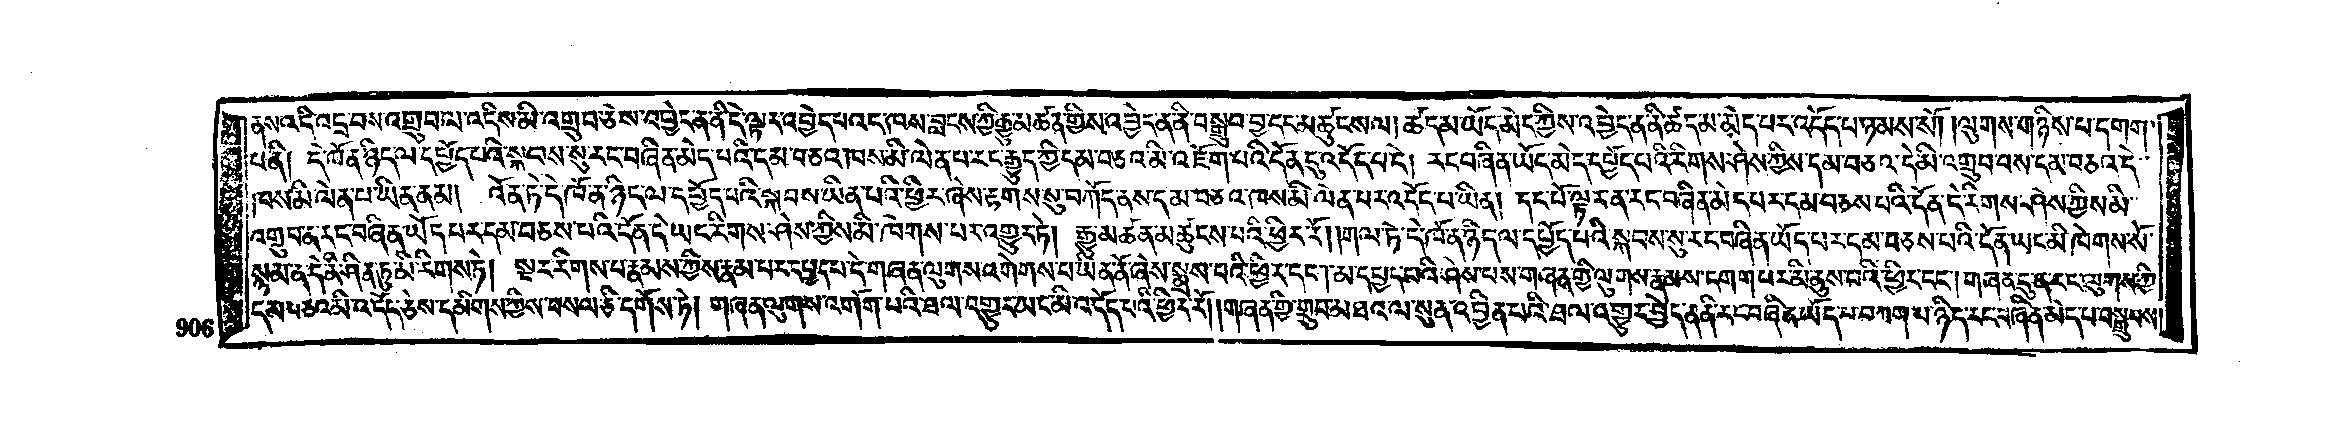ནས་འདི་འདྲ་བས་འགྲུབ་ལ་འདིས་མི་འགྲུབ་ཅེས་འབྱེད་ན་ནི་དེ་ལྟར་འབྱེད་པའང་ཁས་བླངས་ཀྱི་རྒྱུ་མཚན་གྱིས་འབྱེད་ན་ནི་བསྒྲུབ་བྱ་དང་མཚུངས་ལ། ཚད་མ་ཡོད་མེད་ཀྱིས་འབྱེད་ན་ནི་ཚད་མ་མེད་པར་འདོད་པ་ཉམས་སོ། །ལུགས་གཉིས་པ་དགག་
པ་ནི༑ དེ་ཁོ་ན་ཉིད་ལ་དཔྱོད་པའི་སྐབས་སུ་རང་བཞིན་མེད་པའི་དམ་བཅའ་ཁས་མི་ལེན་པ་རང་རྒྱུད་ཀྱི་དམ་བཅའ་མི་འཇོག་པའི་དོན་དུ་འདོད་པ་དེ། རང་བཞིན་ཡོད་མེད་དཔྱོད་པའི་རིགས་ཤེས་ཀྱིས་དམ་བཅའ་དེ་མི་འགྲུབ་པས་དམ་བཅའ་དེ་
ཁས་མི་ལེན་པ་ཡིན་ནམ། འོན་ཏེ་དེ་ཁོ་ན་ཉིད་ལ་དཔྱོད་པའི་སྐབས་ཡིན་པའི་ཕྱིར་ཞེས་རྟགས་སུ་བཀོད་ནས་དམ་བཅའ་ཁས་མི་ལེན་པར་འདོད་པ་ཡིན། དང་པོ་ལྟར་ན་རང་བཞིན་མེད་པར་དམ་བཅས་པའི་དོན་དེ་རིགས་ཤེས་ཀྱིས་མི་
འགྲུབ་ན་རང་བཞིན་ཡོད་པར་དམ་བཅས་པའི་དོན་དེ་ཡང་རིགས་ཤེས་ཀྱིས་མི་ཁེགས་པར་འགྱུར་ཏེ། རྒྱུ་མཚན་མཚུངས་པའི་ཕྱིར་རོ། །གལ་ཏེ་དེ་ཁོ་ན་ཉིད་ལ་དཔྱོད་པའི་སྐབས་སུ་རང་བཞིན་ཡོད་པར་དམ་བཅས་པའི་དོན་ཡང་མི་ཁེགས་སོ་
སྙམ་ན་དེ་ནི་ཤིན་ཏུ་མི་རིགས་ཏེ། སྔར་རིགས་པ་རྣམས་ཀྱིས་རྣམ་པར་དཔྱད་པ་དེ་གཞན་ལུགས་འགེགས་པ་ཡིན་ནོ་ཞེས་སྨྲས་པའི་ཕྱིར་དང་། མ་དཔྱད་པའི་ཤེས་པས་གཞན་གྱི་ལུགས་རྣམས་དགག་པར་མི་ནུས་པའི་ཕྱིར་དང་། གཞན་དུ་ན་རང་ལུགས་ཀྱི་
དམ་བཅའ་མི་འདོད་ཅེས་དམིགས་ཀྱིས་བསལ་ཅི་དགོས་ཏེ། གཞན་ལུགས་འགོག་པའི་ཐལ་འགྱུར་ཡང་མི་འདོད་པའི་ཕྱིར་རོ། །གཞན་གྱི་གྲུབ་མཐའ་ལ་སུན་འབྱིན་པའི་ཐལ་འགྱུར་བྱེད་ན་ནི་རང་བཞིན་ཡོད་པ་བཀག་པ་ཉིད་རང་བཞིན་མེད་པ་བསྒྲུབས་